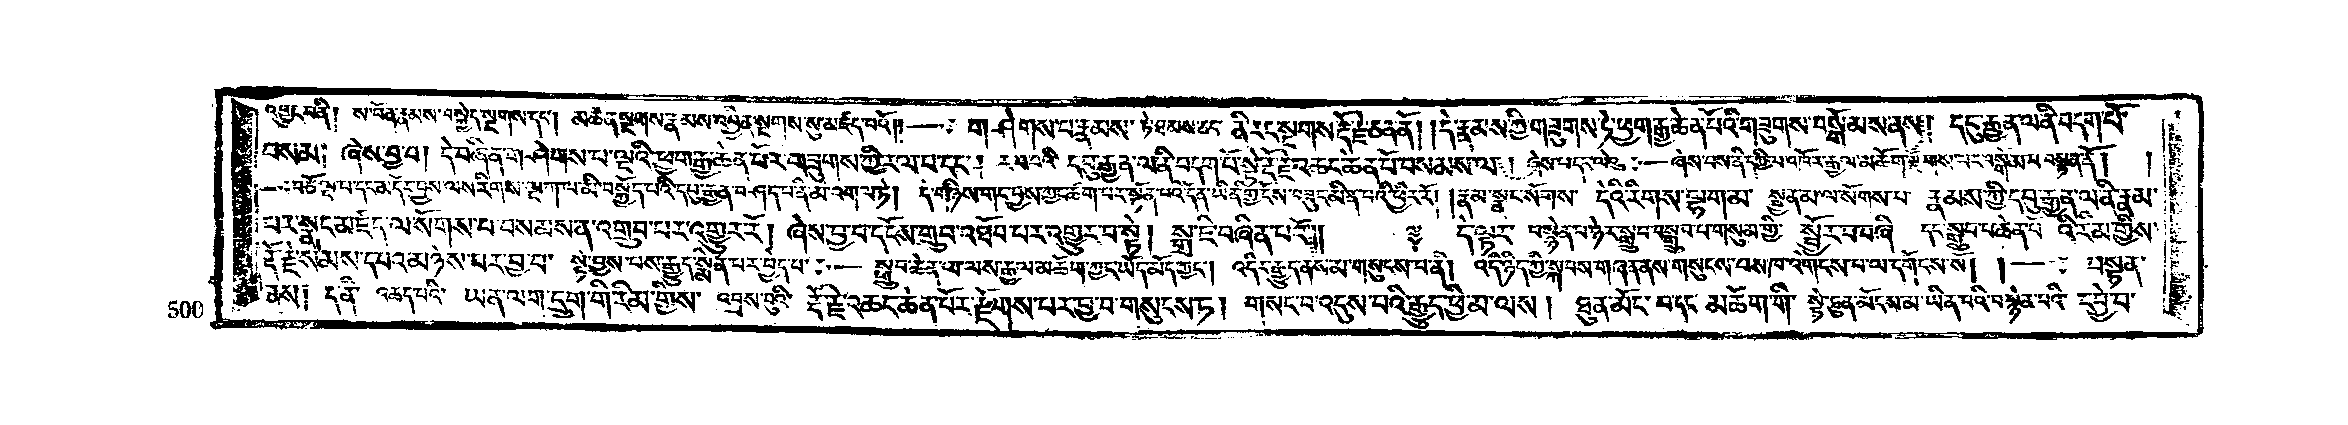འབྱུང་བ་ནི། ས་བོན་རྣམས་བསྐྱེད་སྔགས་དང་། མཚན་སྔགས་རྣམས་འབྱིན་སྔགས་སུ་མཛད་པའོ།། .H གཤེགས་པ་རྣམས་ཏེ་ཐམས་ཅད་ནི་རང་སྔགས་རྡོ་རྗེ་ཅན་ནོ། །དེ་རྣམས་ཀྱི་གཟུགས་ཏེ་ཕྱག་རྒྱ་ཆེན་པོའི་གཟུགས་བསྒོམས་ནས། དབུ་རྒྱན་ལ་ནི་བདག་པོ་
བསམ། ཞེས་བྱ་བ། དེ་བཞིན་གཤེགས་པ་ལྔའི་ཕྱག་རྒྱ་ཆེན་པོའི་གཟུགས་ཀྱི་རལ་བ་དང་། རལ་པའི་དབུ་རྒྱན་ལ་ནི་བདག་པོ་སྟེ་རྡོ་རྗེ་འཆང་ཆེན་པོ་བསམས་ལ། ཞེས་པ་དང་ལེའུཿ་ཞེས་པས་ནི་དཀྱིལ་འཁོར་རྒྱལ་མཆོག་རྫོགས་པར་བསྒོམ་པ་བསྟན་ནོ། །
.H བཅོ་ལྔ་པ་དང་མདོར་བྱས་ལས་རིགས་ལྔ་ཀ་ལ་མི་བསྐྱོད་པའི་དབུ་རྒྱན་བཤད་པ་ནི་མི་འགལ་ཏེ། དེ་གཉིས་གང་བྱས་ཀྱང་ཆོག་པར་སྟོན་པའི་དོན་ཡིན་གྱི་ངོས་བཟུང་མིན་པའི་ཕྱིར་རོ། །རྣམ་སྣང་སོགས་དེའི་རིགས་ལྷག་མ་སྤྱན་མ་ལ་སོགས་པ་རྣམས་ཀྱི་དབུ་རྒྱན་ལ་ནི་རྣམ་
པར་སྣང་མཛད་ལ་སོགས་པ་བསམས་ན་འགྲུབ་པར་འགྱུར་རོ། ཞེས་བྱ་བ་དངོས་གྲུབ་འཐོབ་པར་འགྱུར་བ་སྟེ། སྒྲ་ཇི་བཞིན་པའོ།། ༈ དེ་ལྟར་བསྙེན་པ་ཉེར་སྒྲུབ་བསྒྲུབ་པ་གསུམ་གྱི་སྦྱོར་བ་བཞི་དང་སྒྲུབ་པ་ཆེན་པོའི་རིམ་གྱིས་
རྡོ་རྗེ་སེམས་དཔའ་མཉེས་པར་བྱ་བ་སྟེ་བྱས་པས་རྒྱུད་སྨིན་པར་བྱེད་པ་H.་སྒྲུབ་ཆེན་ལ་ལས་རྒྱལ་མཆོག་ཀྱང་ཡོད་མོད་ཀྱང་། འདིར་རྒྱུད་ནས་མ་གསུངས་པ་ནི། འདི་ཉིད་ཀྱི་སྐབས་གཞན་ནས་གསུངས་པས་ཁ་འགེངས་པ་ལ་དགོངས་སོ། ། .H བསྟན་
ནས། ད་ནི་འཆད་པའི་ཡན་ལག་དྲུག་གི་རིམ་གྱིས་འབྲས་བུའི་རྡོ་རྗེ་འཆང་ཆེན་པོར་རྫོགས་པར་བྱ་བ་གསུངས་ཏེ། གསང་བ་འདུས་པའི་རྒྱུད་ཕྱི་མ་ལས། ཐུན་མོང་བ་དང་མཆོག་གི་སྟེ་ཐུན་མོངས་མ་ཡིན་པའི་བསྙེན་པའི་དབྱེ་བ་